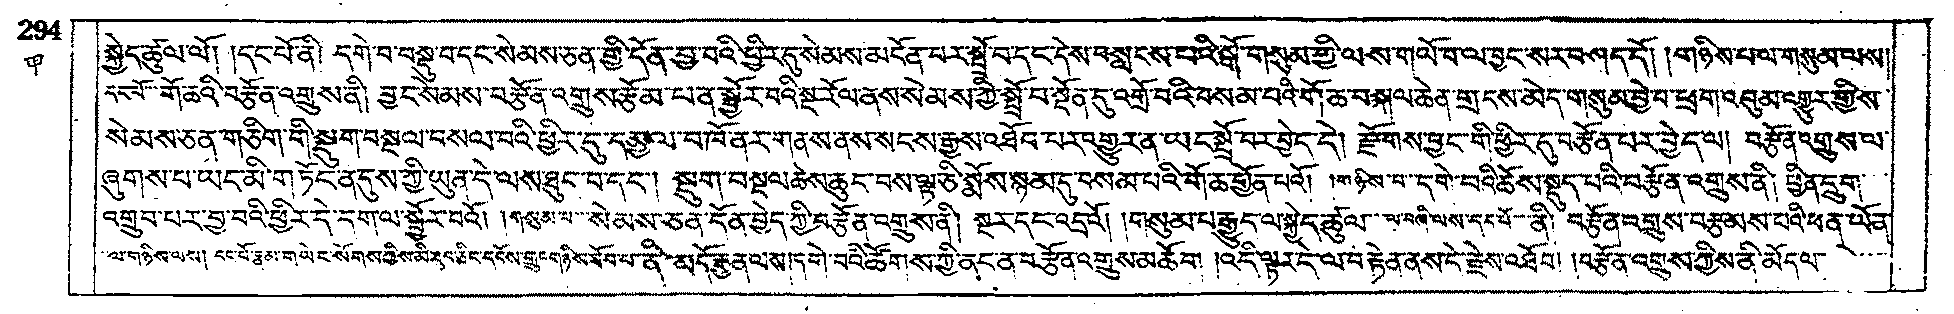སྐྱེད་ཚུལ་ལོ། །དང་པོ་ནི། དགེ་བ་བསྡུ་བ་དང་སེམས་ཅན་གྱི་དོན་བྱ་བའི་ཕྱིར་དུ་སེམས་མངོན་པར་སྤྲོ་བ་དང་དེས་བསླངས་པའི་སྒོ་གསུམ་གྱི་ལས་གཡོ་བ་ལ་བྱང་སར་བཤད་དོ། །གཉིས་པ་ལ་གསུམ་ལས།
དང་པོགོ་ཆའི་བརྩོན་འགྲུས་ནི། བྱང་སེམས་བརྩོན་འགྲུས་རྩོམ་པ་ན་སྦྱོར་བའི་སྔ་རོལ་ནས་སེམས་ཀྱི་སྤྲོ་བ་སྔོན་དུ་འགྲོ་བའི་བསམ་པའི་གོ་ཆ་བསྐལ་ཆེན་གྲངས་མེད་གསུམ་བྱེ་བ་ཕྲག་འབུམ་འགྱུར་གྱིས་
སེམས་ཅན་གཅིག་གི་སྡུག་བསྔལ་བསལ་བའི་ཕྱིར་དུ་དམྱལ་བ་ཁོ་ནར་གནས་ནས་སངས་རྒྱས་འཐོབ་པར་འགྱུར་ན་ཡང་སྤྲོ་བར་བྱེད་དེ། རྫོགས་བྱང་གི་ཕྱིར་དུ་བརྩོན་པར་བྱེད་ལ། བརྩོན་འགྲུས་ལ་
ཞུགས་པ་ཡང་མི་གཏོང་ན་དུས་ཀྱི་ཡུན་དེ་ལས་ཐུང་བ་དང་། སྡུག་བསྔལ་ཆེས་ཅུང་བས་ལྟ་ཅི་སྨོས་སྙམ་དུ་བསམ་པའི་གོ་ཆ་གྱོན་པའོ། །གཉིས་པ་དགེ་བའི་ཆོས་སྡུད་པའི་བརྩོན་འགྲུས་ནི། ཕྱི་ན་དྲུག་
འགྲུབ་པར་བྱ་བའི་ཕྱིར་དེ་དག་ལ་སྦྱོར་བའོ། །གསུམ་པ་སེམས་ཅན་དོན་བྱེད་ཀྱི་བརྩོན་འགྲུས་ནི། སྔར་དང་འདྲའོ། །གསུམ་པ་རྒྱུད་ལ་སྐྱེད་ཚུལལ་བཞི་ལས་དང་པོནི། བརྩོན་འགྲུས་བརྩམས་པའི་ཕན་ཡོན་
ལ་གཉིས་ལས། དང་པོ་རྣམ་གཡེང་སོགས་ཀྱིས་མི་ཐུབ་ཅིང་དངོས་གྲུབ་གཉིས་ཐོབ་པནི་མདོ་རྒྱན་ལས། དགེ་བའི་ཚོགས་ཀྱི་ནང་ན་བརྩོན་འགྲུས་མཆོག །འདི་ལྟར་དེ་ལ་བརྟེན་ནས་དེ་རྗེས་འཐོབ། །བརྩོན་འགྲུས་ཀྱིས་ནི་མོད་ལ་